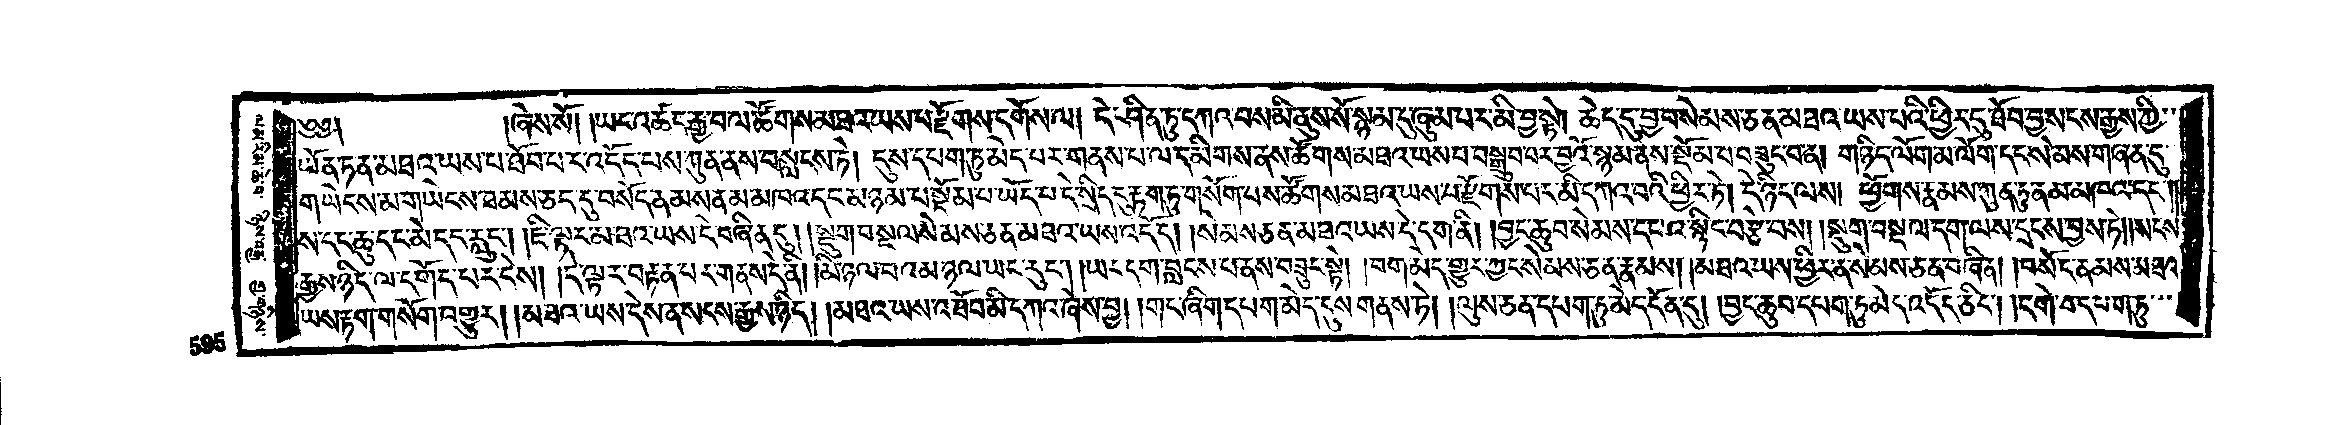༄༅། །ཞེས་སོ། །ཡང་འཚང་རྒྱ་བ་ལ་ཚོགས་མཐའ་ཡས་པ་རྫོགས་དགོས་ལ། དེ་ཤིན་ཏུ་དཀའ་བས་མི་ནུས་སོ་སྙམ་དུ་ཞུམ་པར་མི་བྱ་སྟེ། ཆེད་དུ་བྱ་བ་སེམས་ཅན་མཐའ་ཡས་པའི་ཕྱིར་དུ་ཐོབ་བྱ་སངས་རྒྱས་ཀྱི་
ཡོན་ཏན་མཐའ་ཡས་པ་ཐོབ་པར་འདོད་པས་ཀུན་ནས་བསླངས་ཏེ། དུས་དཔག་ཏུ་མེད་པར་གནས་པ་ལ་དམིགས་ནས་ཚོགས་མཐའ་ཡས་པ་བསྒྲུབ་པར་བྱའོ་སྙམ་ནས་སྡོམ་པ་བཟུང་བ་ན། གཉིད་ལོག་མ་ལོག་དང་སེམས་གཞན་དུ་
གཡེངས་མ་གཡེངས་ཐམས་ཅད་དུ་བསོད་ནམས་ནམ་མཁའ་དང་མཉམ་པ་སྡོམ་པ་ཡོད་པ་དེ་སྲིད་དུ་རྟག་ཏུ་གསོག་པས་ཚོགས་མཐའ་ཡས་པ་རྫོགས་པར་མི་དཀའ་བའི་ཕྱིར་ཏེ། དེ་ཉིད་ལས། ཕྱོགས་རྣམས་ཀུན་ཏུ་ནམ་མཁའ་དང་། །
ས་དང་ཆུ་དང་མེ་དང་རླུང་། །ཇི་ལྟར་མཐའ་ཡས་དེ་བཞིན་དུ། །སྡུག་བསྔལ་སེམས་ཅན་མཐའ་ཡས་འདོད། །སེམས་ཅན་མཐའ་ཡས་དེ་དག་ནི། །བྱང་ཆུབ་སེམས་དཔའ་སྙིང་བརྩེ་བས། །སྡུག་བསྔལ་དག་ལས་དྲངས་བྱས་ཏེ། །སངས་
རྒྱས་ཉིད་ལ་དགོད་པར་ངེས། །དེ་ལྟར་བརྟན་པར་གནས་དེ་ནི། །མི་ཉལ་བའམ་ཉལ་ཡང་རུང་། །ཡང་དག་བླངས་པ་ནས་བཟུང་སྟེ། །བག་མེད་གྱུར་ཀྱང་སེམས་ཅན་རྣམས། །མཐའ་ཡས་ཕྱིར་ན་སེམས་ཅན་བཞིན། །བསོད་ནམས་མཐའ་
ཡས་རྟག་གསོག་འགྱུར། །མཐའ་ཡས་དེས་ན་སངས་རྒྱས་ཉིད། །མཐའ་ཡས་འཐོབ་མི་དཀའ་ཞེས་བྱ། །གང་ཞིག་དཔག་མེད་དུས་གནས་ཏེ། །ལུས་ཅན་དཔག་ཏུ་མེད་དོན་དུ། །བྱང་ཆུབ་དཔག་ཏུ་མེད་འདོད་ཅིང་། །དགེ་བ་དཔག་ཏུ་